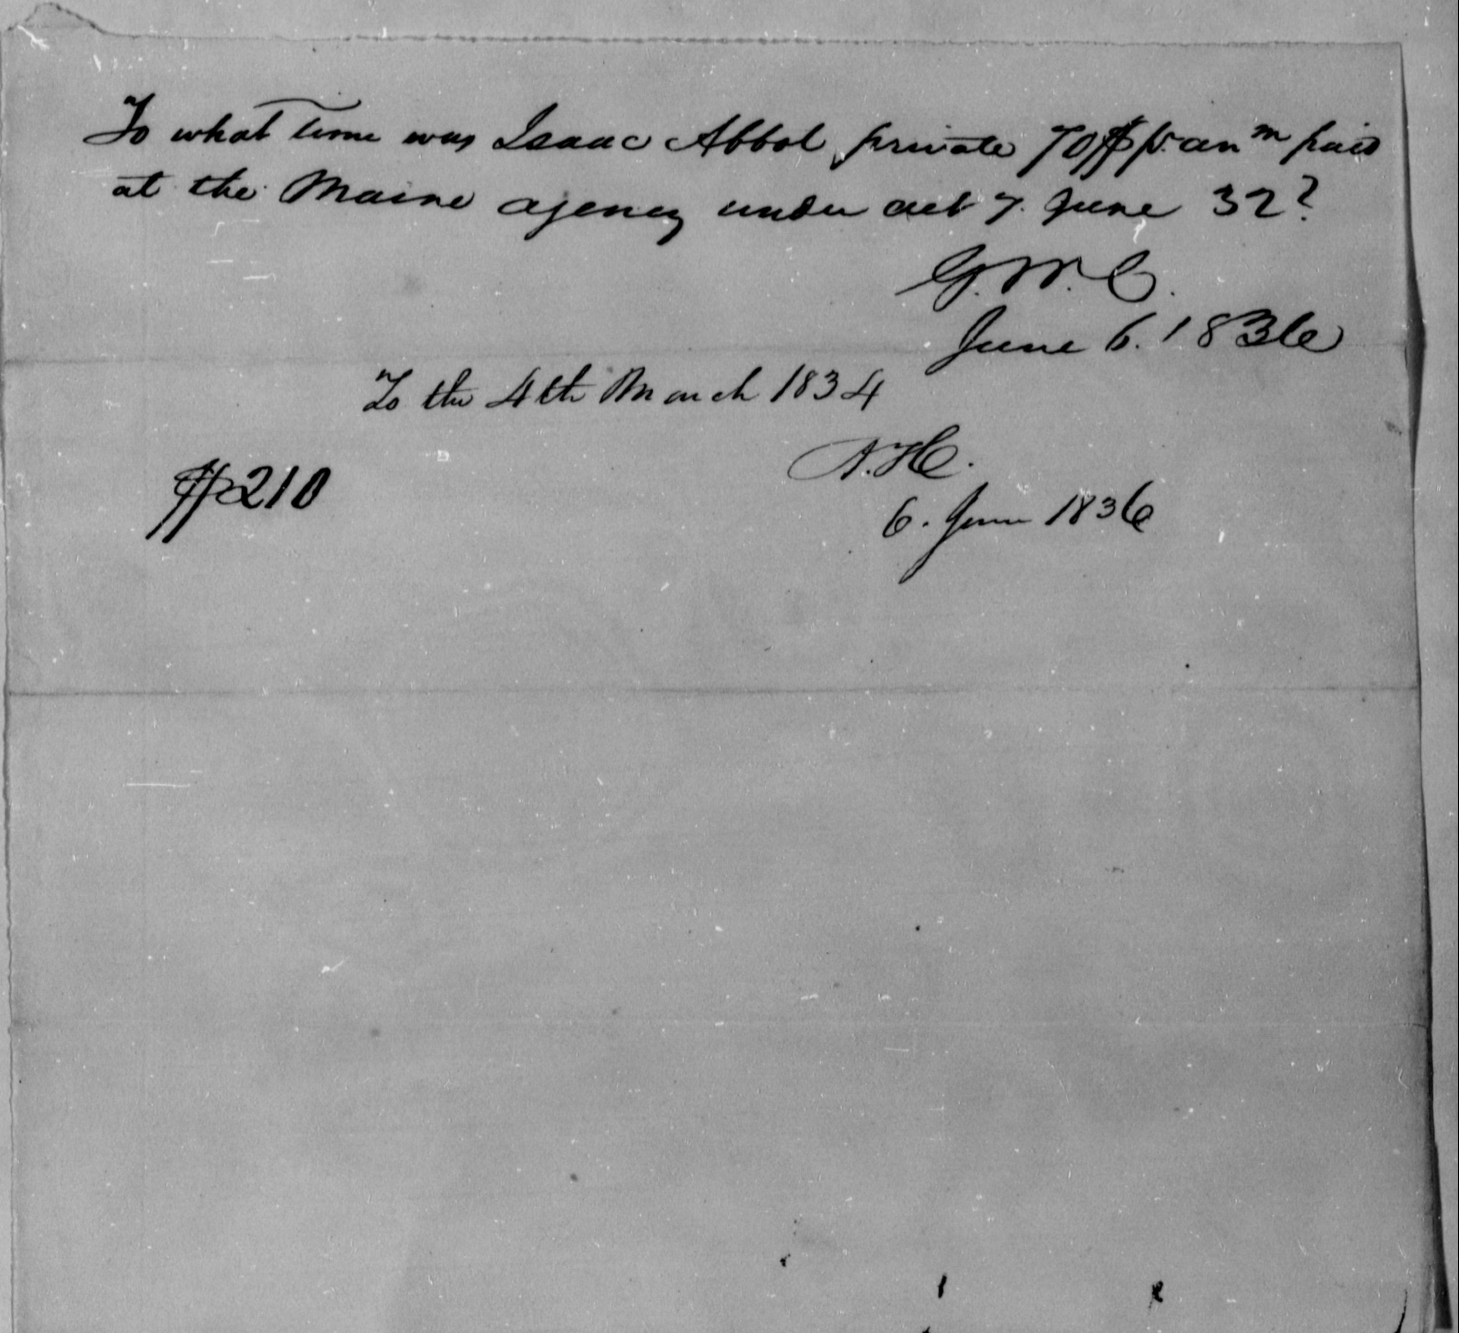To what Term was Isaac Abbott, Private, 70$ per annum at the Maine agency under Act 7 June 32?
[SIGNED: J. M. C.]
June 6, 1836

To the 4th March 1834
[SIGNED: A. H.]
6 June 1836

$210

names: Isaac Abbot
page: 56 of 86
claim: survivor's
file: S 29,568, Isaac Abbot, Mass